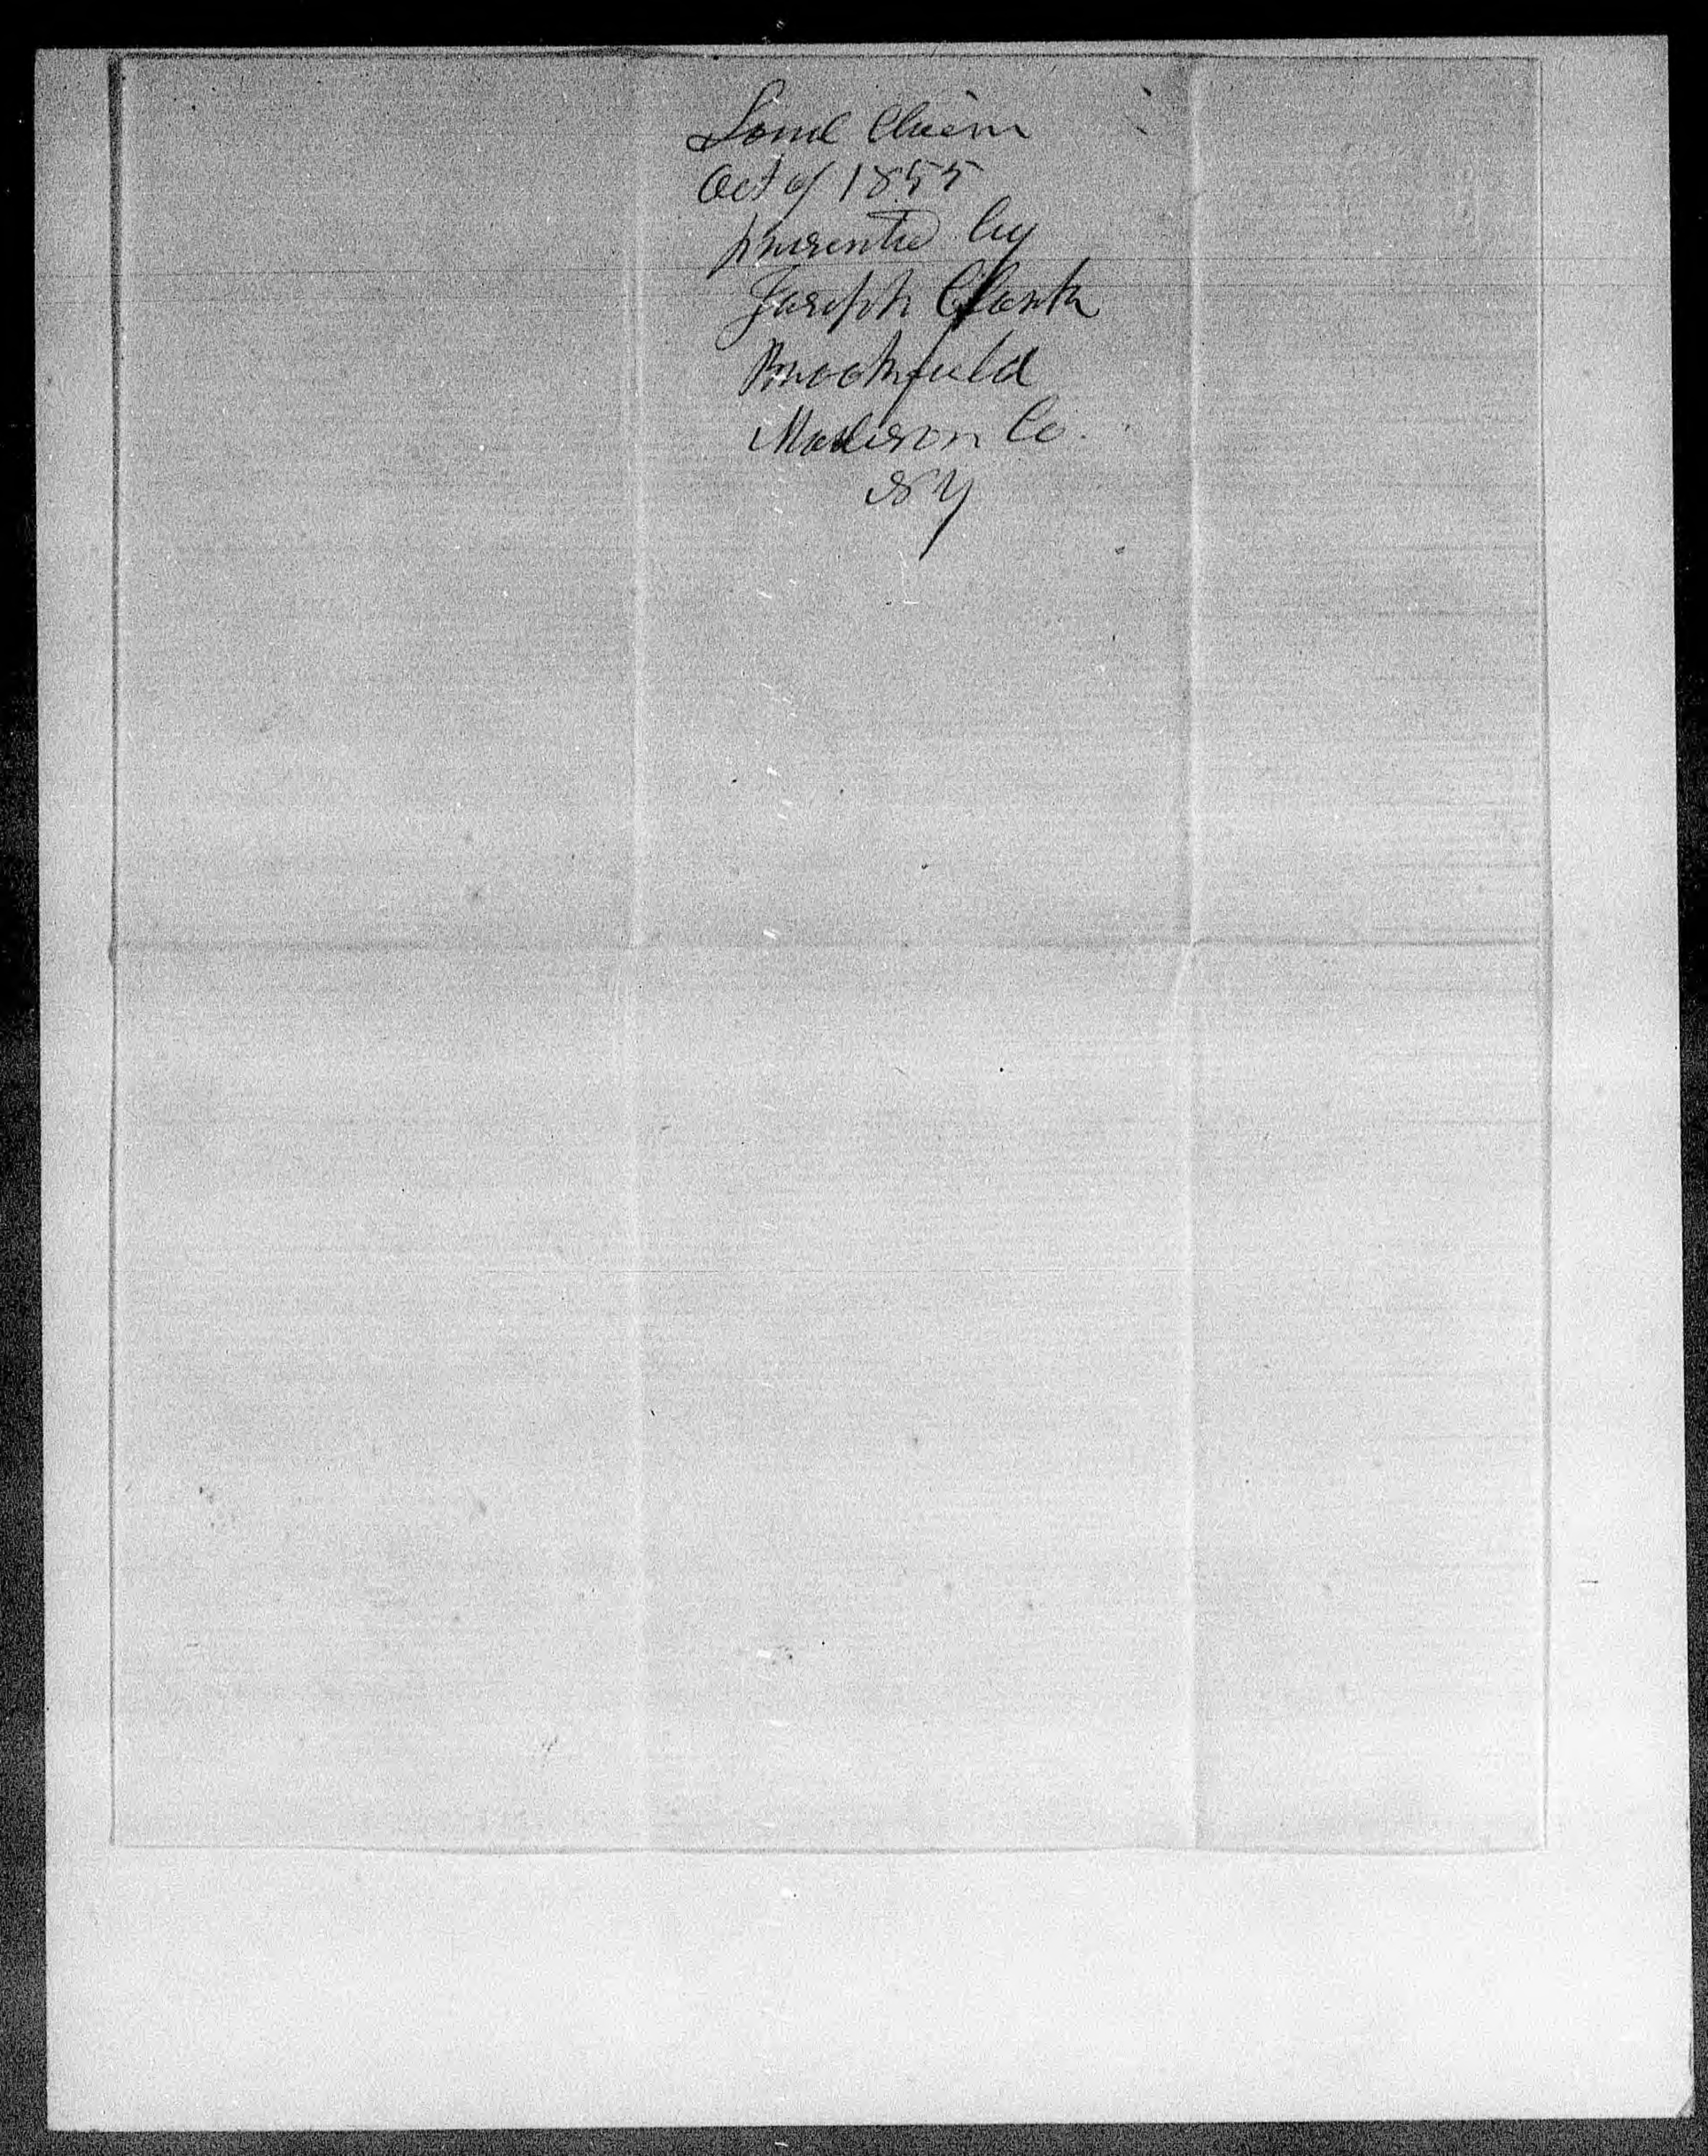Land Claim
Act of 1855
presented by
Joseph Clark
Brookfield
Madison Co.
NY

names: Saml Chiem, Joseph Clork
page: 40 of 60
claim: widow's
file: W. 19,537, Thomas Griffin, Conn.